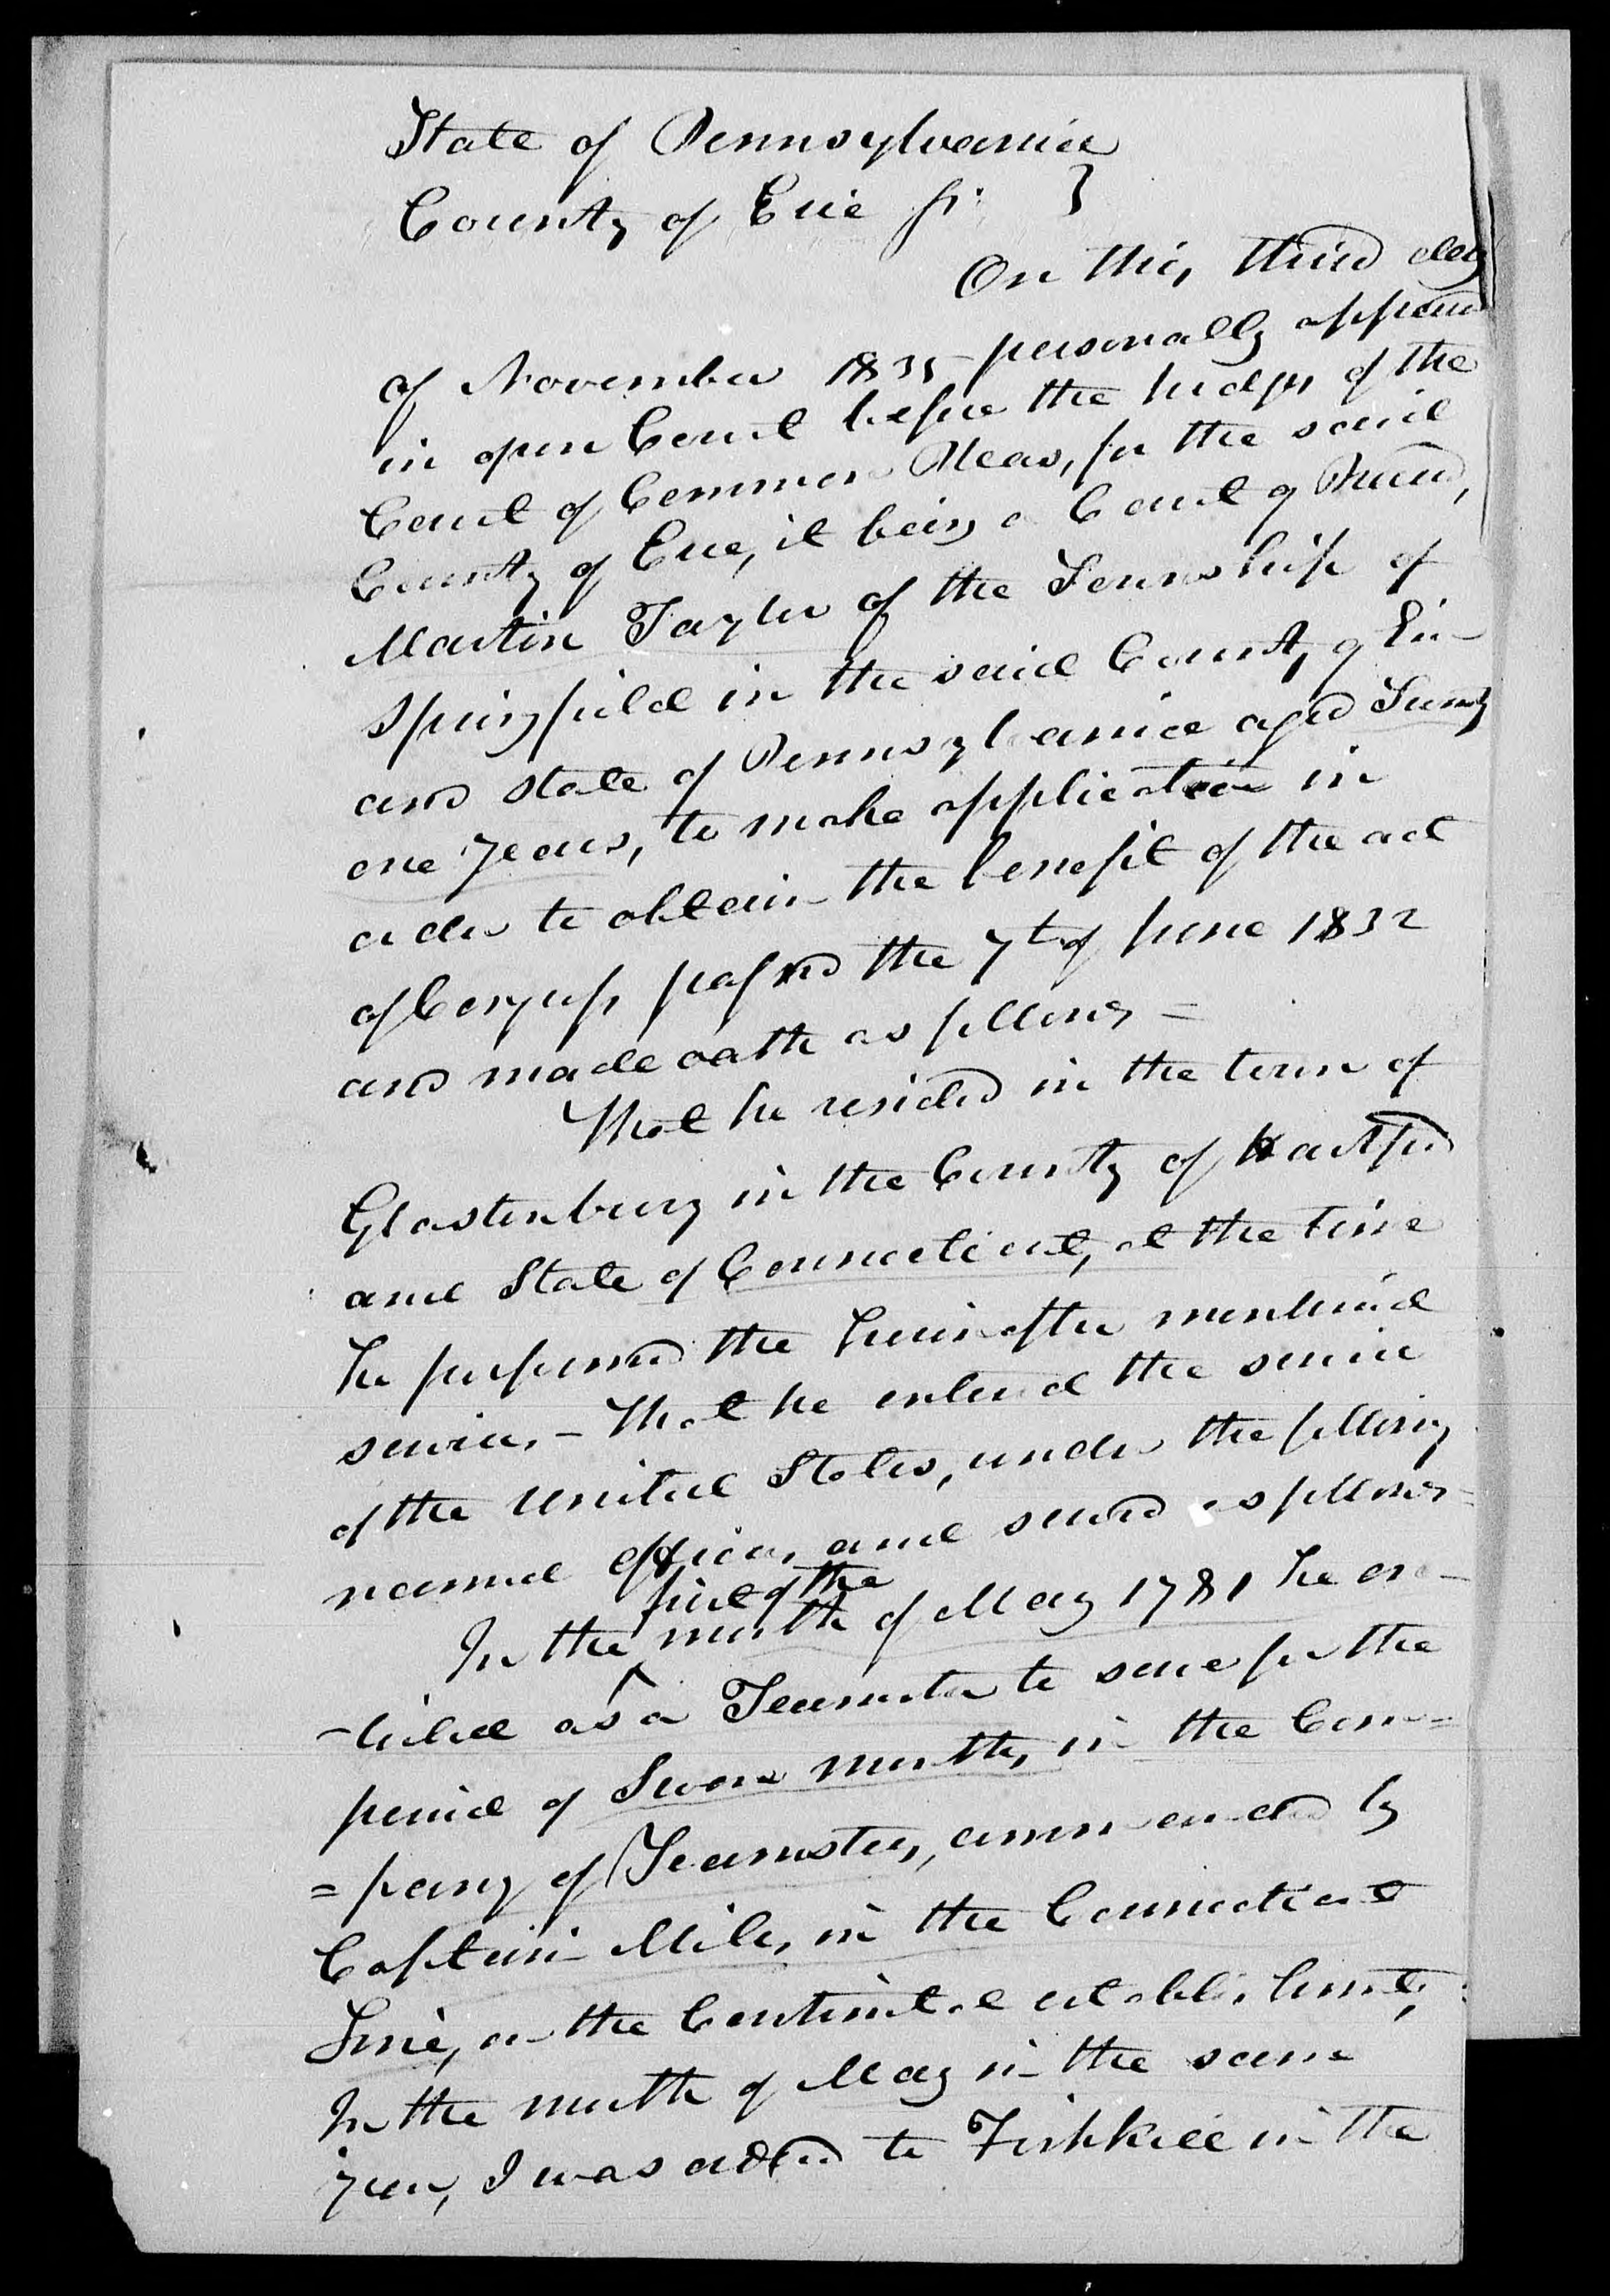State of Pennsylvania
County of Erie ss.

On this third day of November 1835 personally appeared in open Court before the Judges of the Court of Common Pleas, for the said County of Erie, it being a Court of Record, Martin Taylor of the Township of Springfield in the said County of Erie and state of Pennsylvania aged twenty one years, to make application in order to obtain the benefit of the act of Congress, passed the 7th June 1832 and made oath as follows,

In the month first of the month of May 1781 he enlisted as a Teamster to serve for the period of seven months, in the Company of Teamsters, commanded by Captain Miles in the Connecticut Line, on the Continental establishment; In the month of May in the same year, I was order to Fishkill in the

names: Martin Taylor; [BLANK] Miles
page: 2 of 13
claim: rejected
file: R 10420, for Martin Tayler, Connecticut